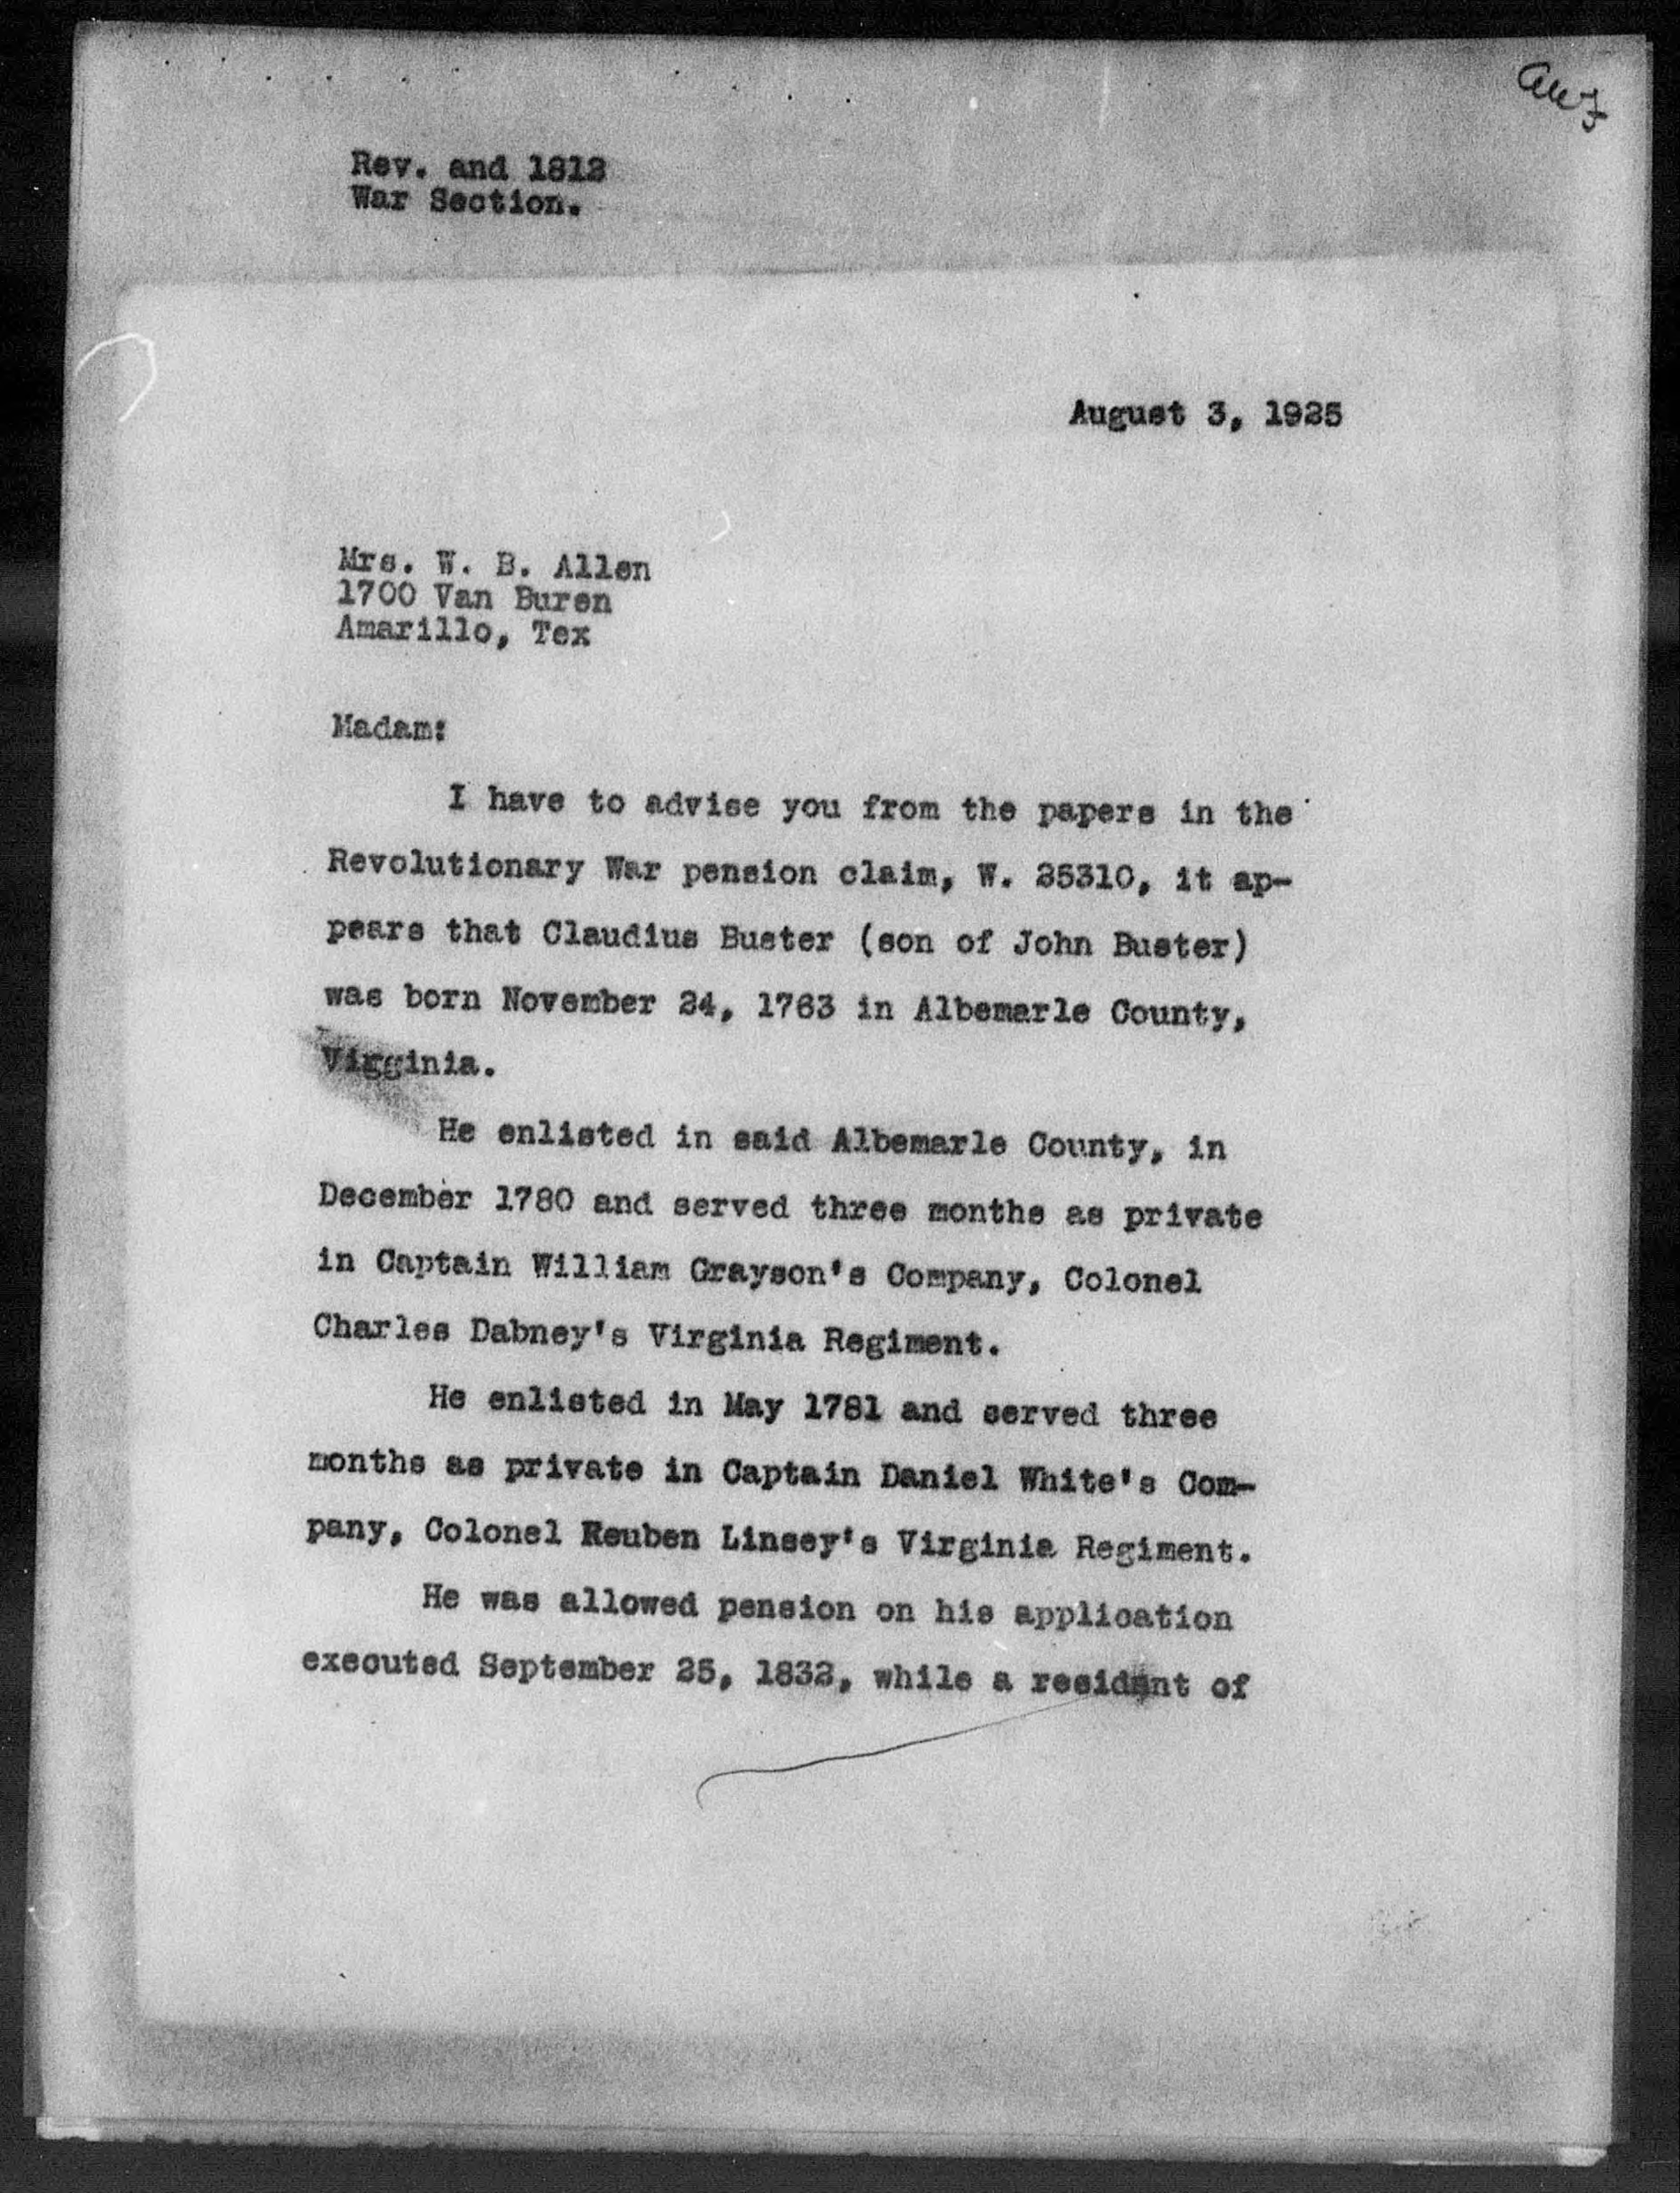Rev. and 1812
War Section.

AWF

August 3, 1925

Mrs. W. B. Allen
1700 Van Buren
Amarillo, Tex

Madam: 

I have to advise you from the papers in the Revolutionary War pension claim, W. 25310, it appears that Claudius Buster (son of John Buster) was born November 24, 1763 in Albemarle County, Virginia.

He  enlisted in said Albemarle County in December 1780 andserved three months as private in Captain William Grayson's company, Colonel Charles Dabney's Virginia Regiment. 

He enlisted in May 1781 and served three months in Captain Daniel White's company, Colonel Reuben Lindsay's Regiment.

He was allowed pension on his application executed September 25, 1832, while a resident of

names: John Buster, Claudius Buster, W B Allen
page: 69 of 71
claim: widow's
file: W. 25310, Claudius Buster, Va.